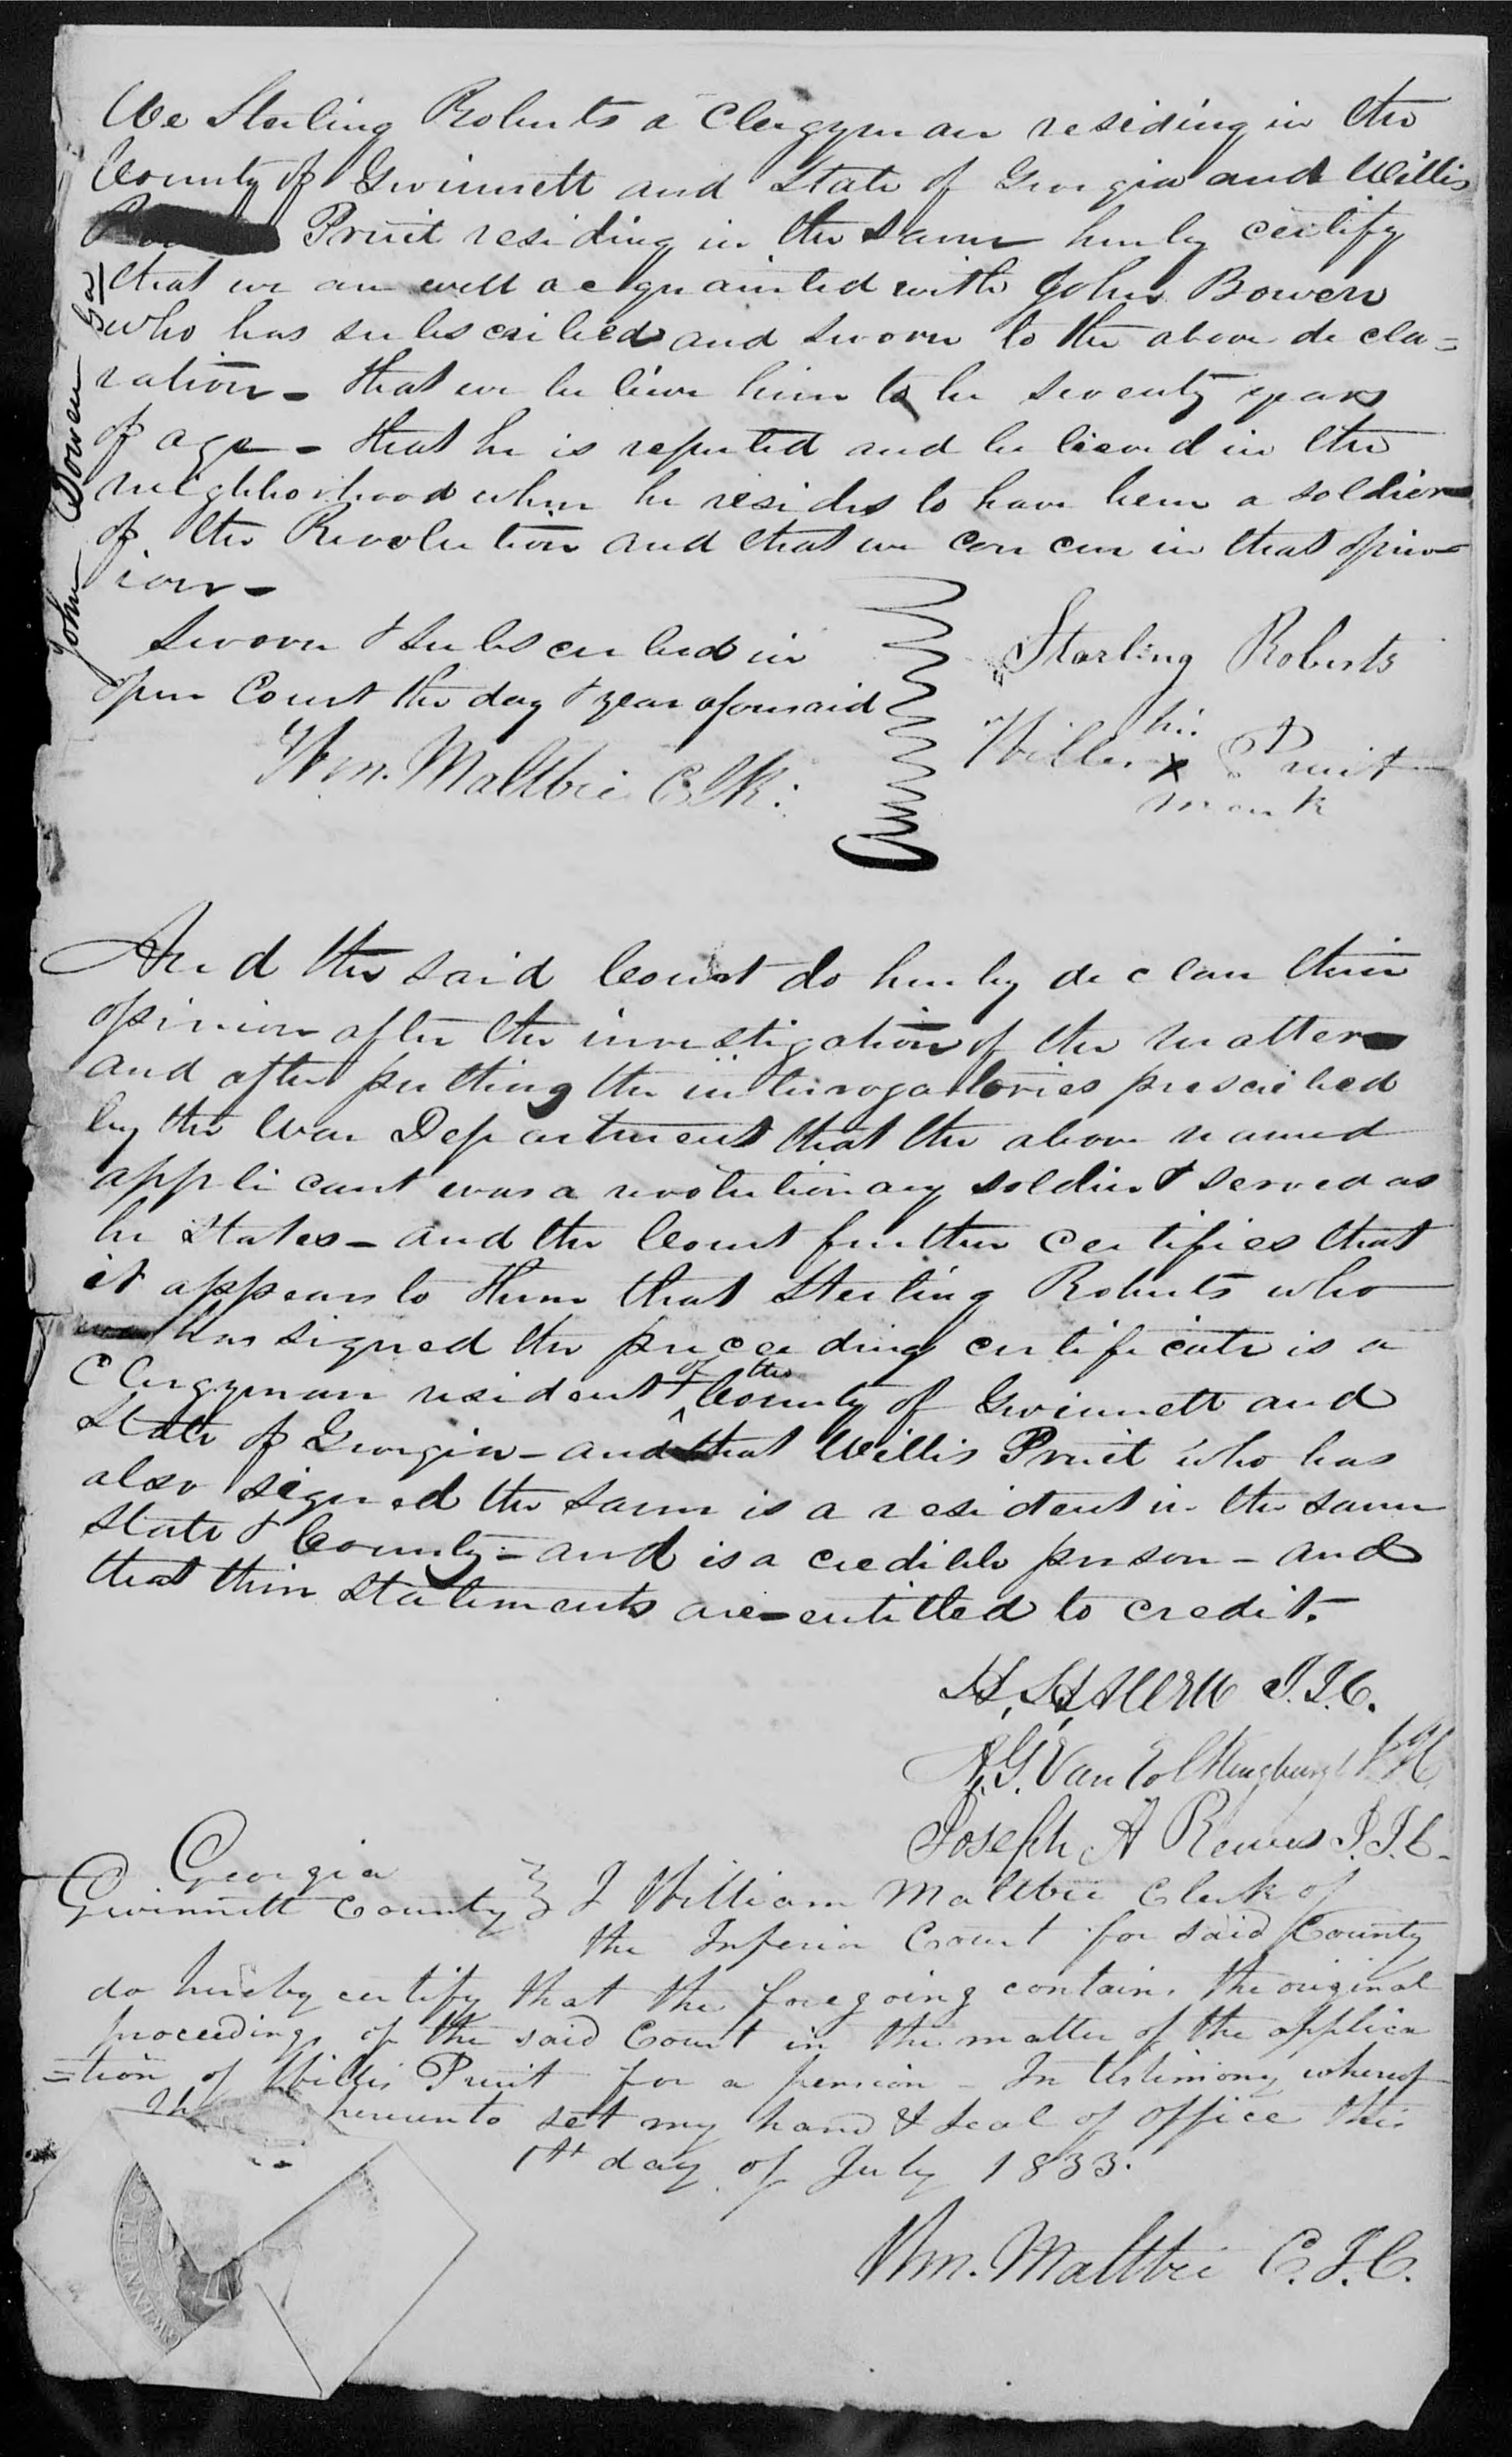We Sterling Roberts a clergyman residing is this County of Gwinnette and State of Georgia and Willis Pruit residing in the same duly certify that we are well acquainted with John Bowers who has subscribed and sworn to the above declaration.  that we believe him to be seventy years of age.  that he is reputed and believed in this neighborhood where he resides to have been a soldier of the Revolution and that we concur in that opinion.
Sterling Roberts
William (x) Pruit (his mark)

Sworn & Subscribed in open Court the day & year aforesaid
Wm. Maltbie Clk:

And the said Court do hereby declare this opinion after the investigation of the matter and after putting the interrogatories prescribed by the War Department that the above named applicant was a revolutionary soldier & served as he states.  and the Court further certifies that it appears to them that Sterling Roberts who has signed the preceding certificate is a Clergyman resident of the County of Gwinnett and State of Georgia.  and that Willis Pruit who has also signed the same is a resident in the same State & County.  and is a credible person.  and that their statements are entitled to credit. 
H.H. Allen J.I.C.
A.G. Van Elkingburgh J.I.C
Joseph A Rewes J.I.C.

Georgia
Gwinnett County
I William Maltbie Clerk of the Inferior Court for said County do hereby certify that the foregoing contains the original proceedings of the said Court in the matter of the application of Willis Pruit for a pension.  In testimony whereof I [have] hereunto set my hand & seal of office this 1st day of July 1833.
Wm. Maltbie C.I.C
[Seal affixed]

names: Joseph A Rewes, Willis Pruit, Willis Pruit, Willis Pruit, Wm Maltbie, A G Van Elkingburgh, H H Allen, Starling Roberts, William Maltbie, Willis Pruit, Sterling Roberts, John Bowen, John Bowen, Wm Maltbie, Sterling Roberts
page: 6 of 20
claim: survivor's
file: S. 32,124, John Bowen, Va.